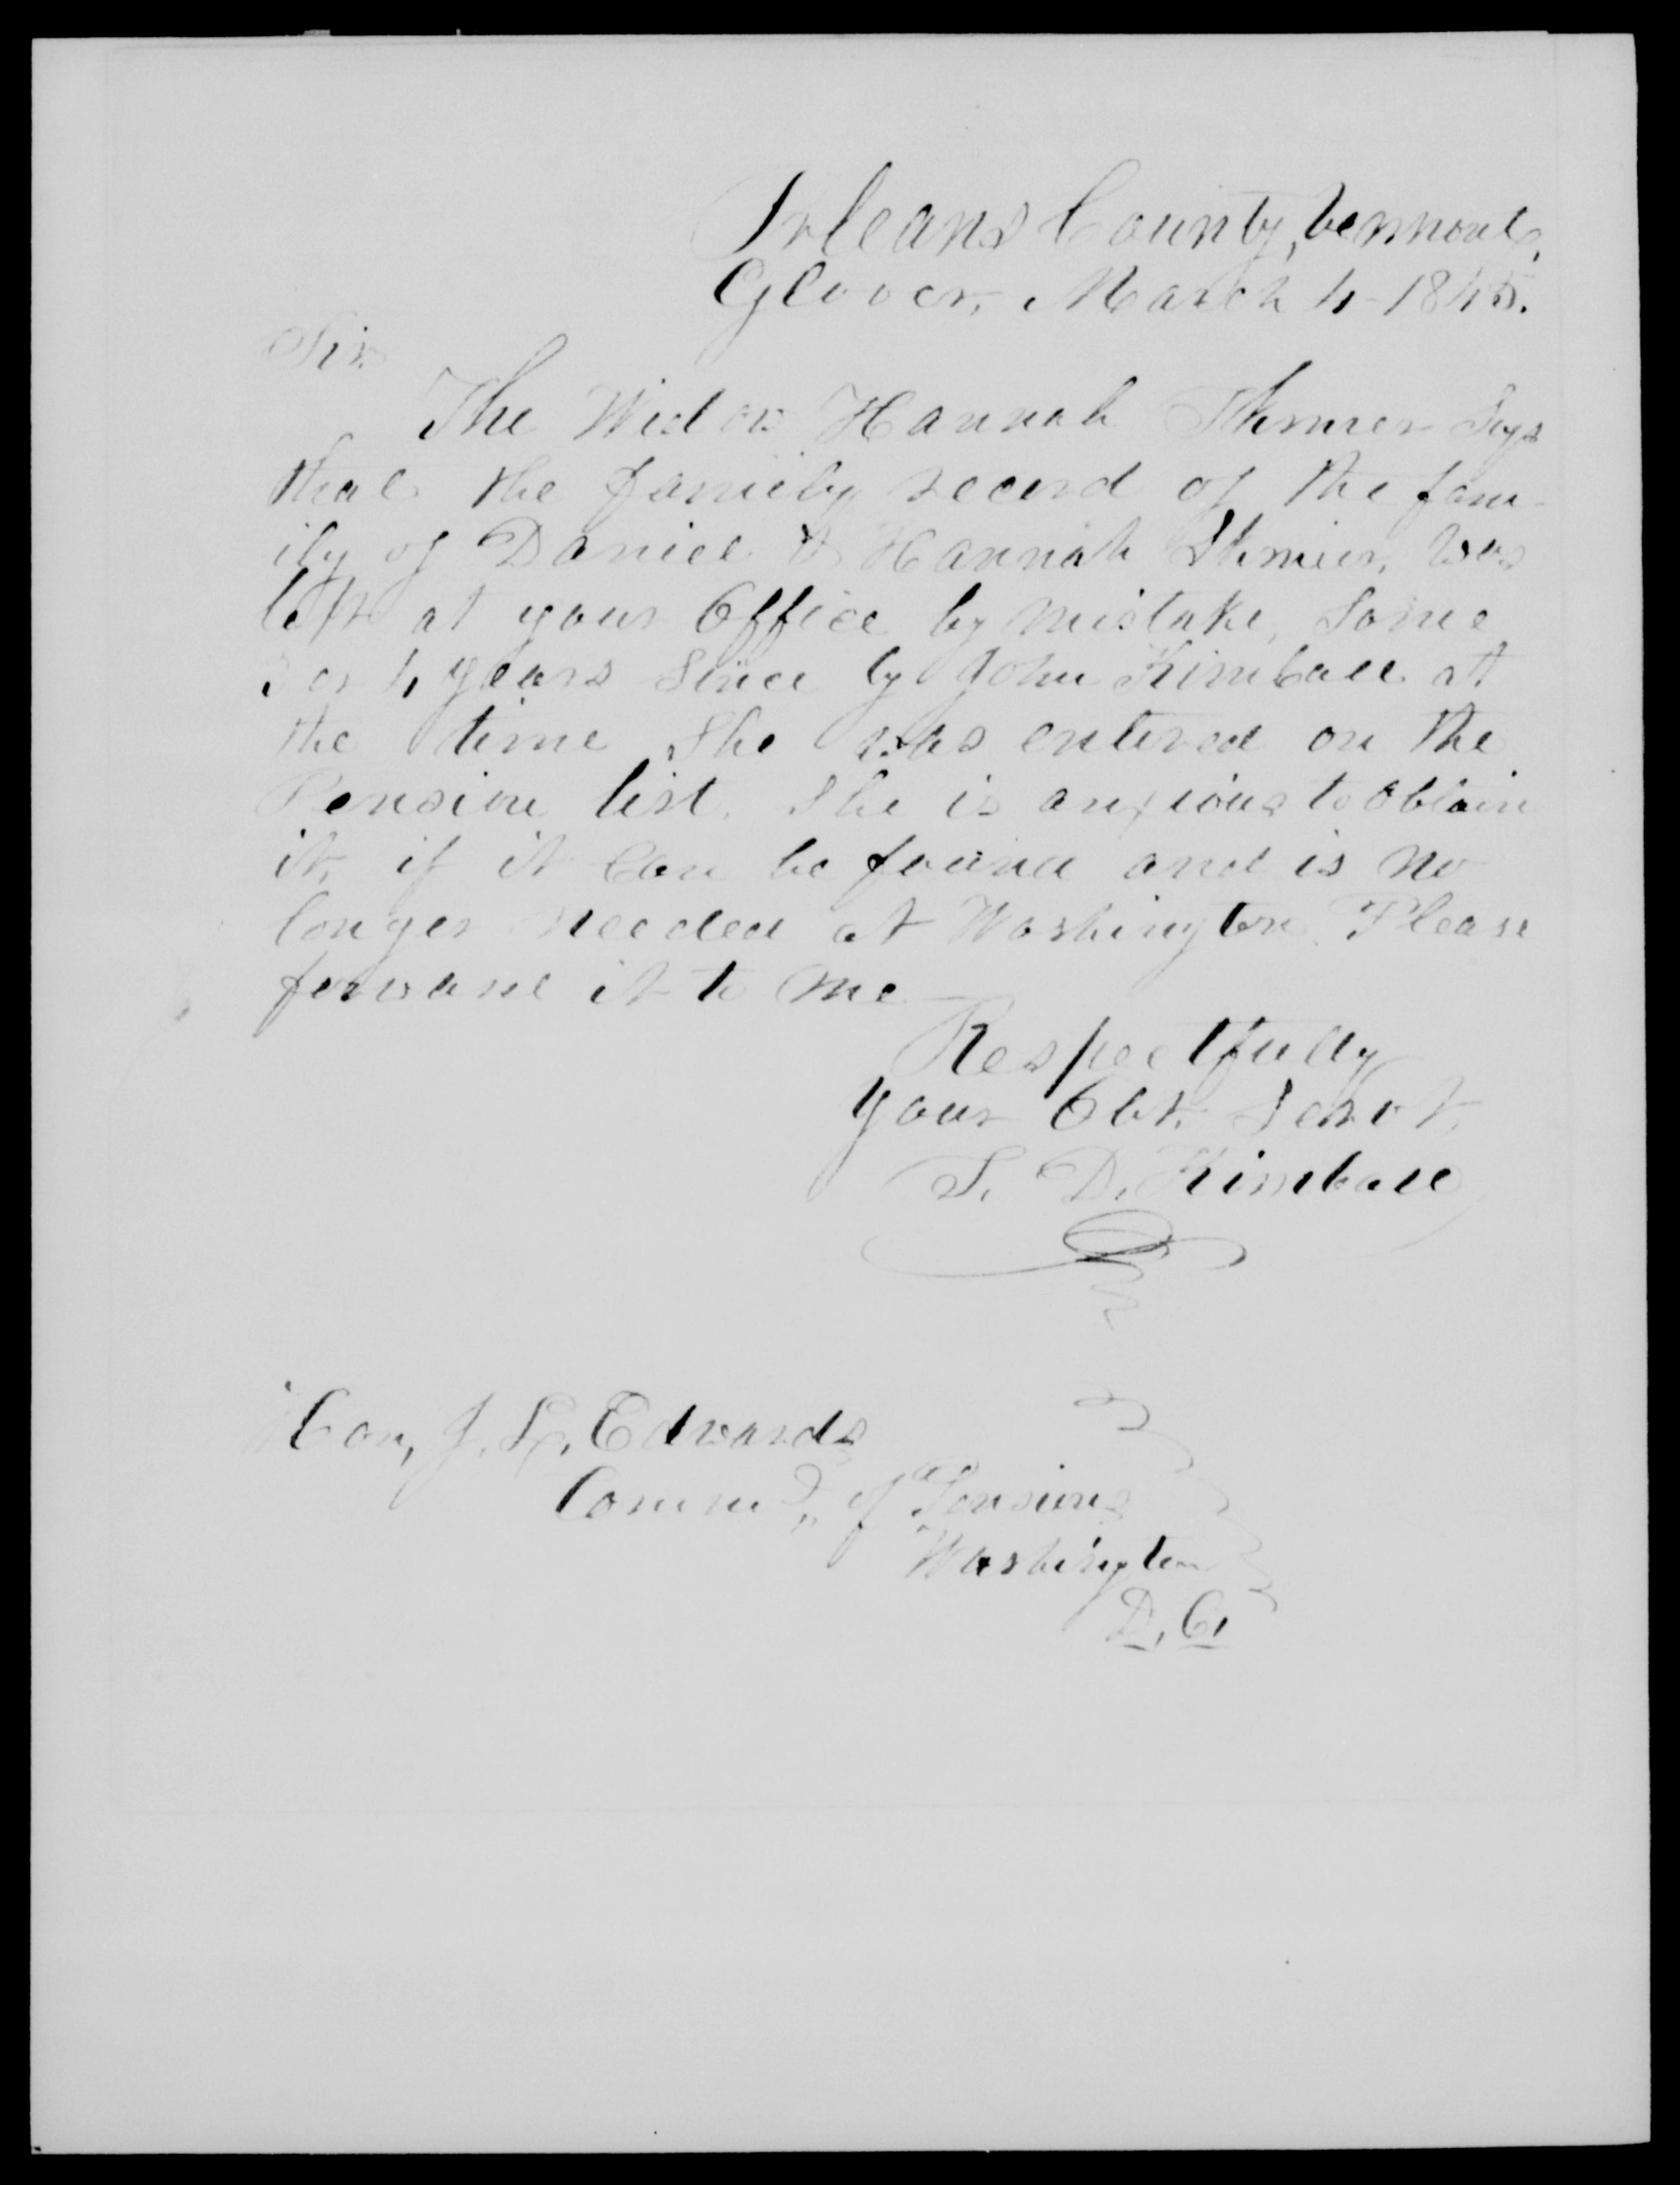Orleans County, Vermont
Glover, March 1, 1845
Sir:
The Widow Hannah Skinner says
that the family record of the family
of Daniel & Hannah Skinner, was
left at your office by mistake, some
3 or 4 years since by John Kimball at
the time she was entered on the
Pension list. She is anxious to obtain
it, if it can be found and is no
longer needed at Washington. Please
forward it to me.
Respectfully
your obt. Servant,
S.D. Kimball

J. L. Edwards
Comm. of Pensions
Washington, D.C.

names: J L Edwards; Hannah Skinner; Daniel Skinner; S D Kimball; Hannah Skinner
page: 21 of 46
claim: widow's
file: W. 24976, for Daniel Skinner, New Hampshire